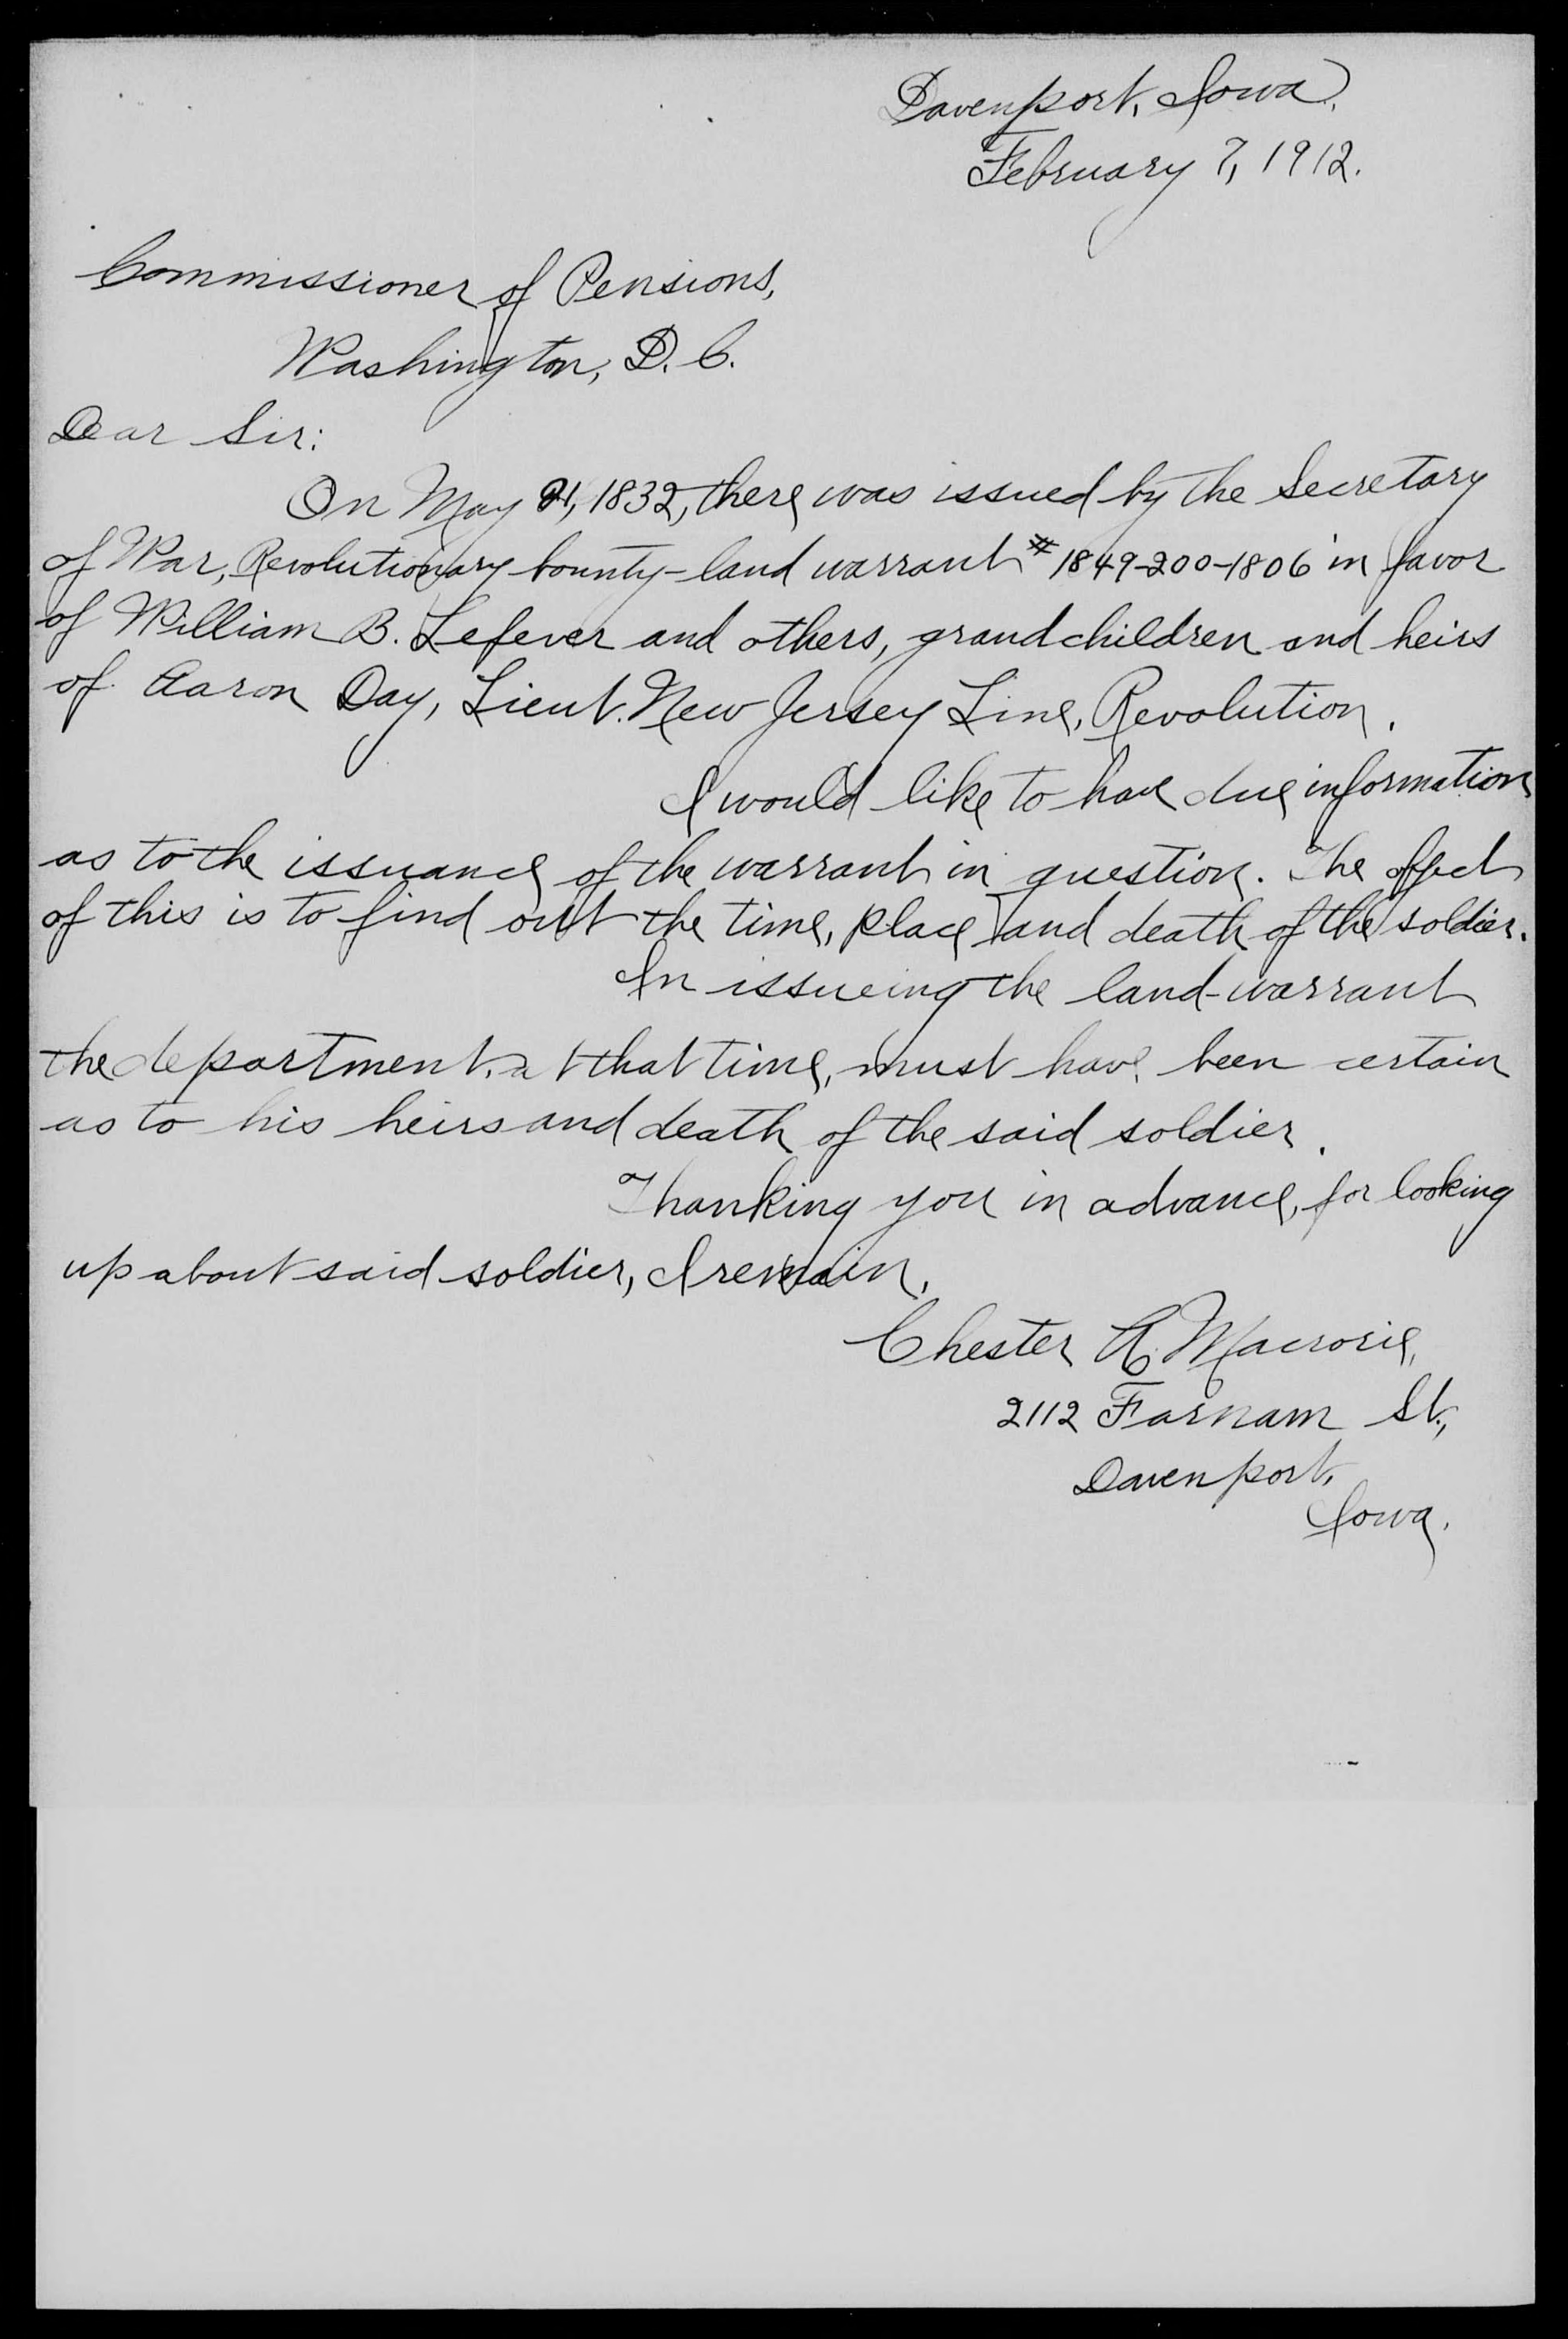Davenport, Iowa.
February 7, 1912.

Commissioner of Pensions
Washington, D.C.
Dear Sir:
On May 21, 1832, there was issued by the Secretary of War, Revolutionary bounty-land warrant #1849-200-1806 in favor of William B. Lefever and others, grandchildren, and heirs of Aaron Day, Lieut. New Jersey Line, Revolution.
I would like to have due information as to the issuances of the warrant in question. The affect of this is to find out the time, place and death of the solider.
In issuing the land-warrant the department at that time, must have been certain as to his heirs and death of said soldier.
Thanking you in advance, for looking up about said soldier, I remain,
Chester R. Macrorie
2112 Farnam St.,
Davenport, Iowa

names: Chester A Macrorie, Aaron Day, William B Lefever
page: 12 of 15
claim: bounty land warrant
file: B. L. Wt. 1849-200, Aaron Day, New Jersey